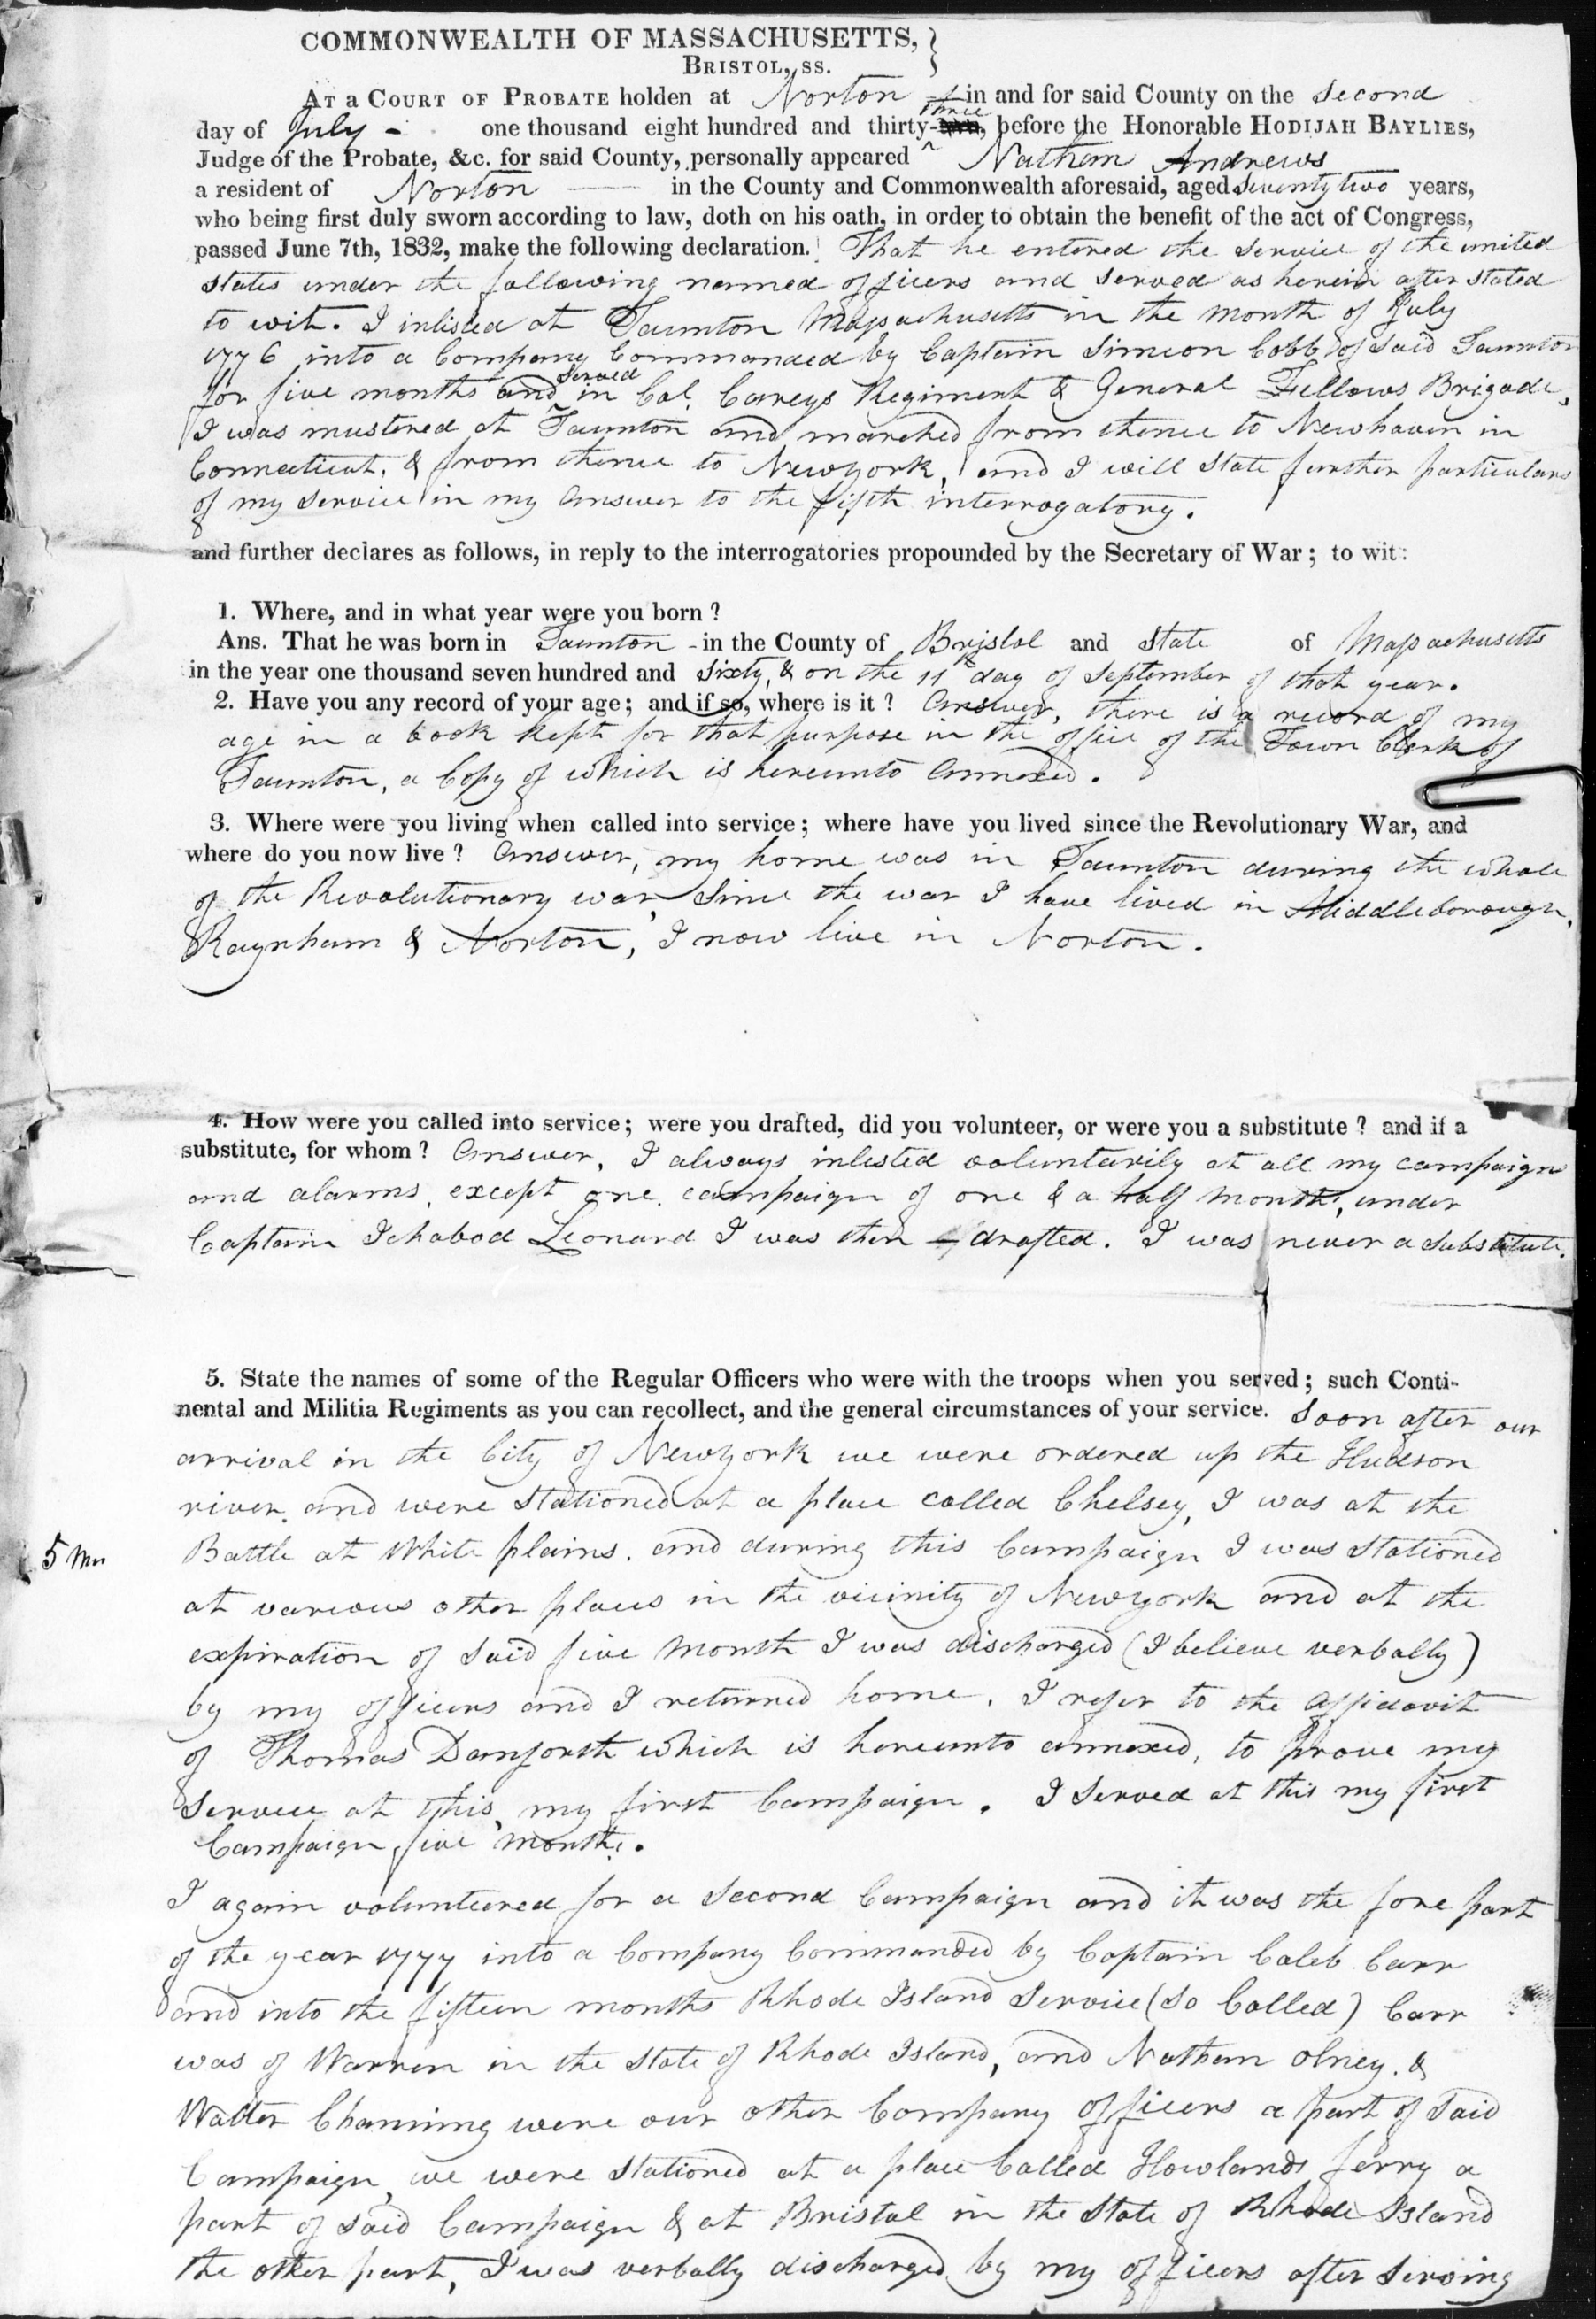COMMONWEALTH OF MASSACHUSETTS BRISTOL SS
At a court of probate holden at Norton in and for said county on the second day of July one thousand eight hundred and thirty-three before the Honorable Hodijah Baylies Judge of the Probate & c. for said County, personally appeared Nathan Andrews a resident of Norton in the County and Commonwealth aforesaid, aged seventy two years, who being first duly sworn according to law, doth on his oath, in order to obtain the benefit of the act of Congress passed June 7, 1832 make the following declaration. That he entered the service of the United States under the following names officers and served as herein after stated to wit. I inlisted at Taunton Massachusetts in the month of July 1776 into a company commanded by Captain Simon Cobb of said Taunton for five months and served in Col Coney's regiment & general Fellows Brigade. I was mustered at Taunton and marched from there to New Haven in Connecticut & from there to New York and I will state further particulars of my service in my answer to the fifth interrogatory. 
and further declares as follows, in reply to the interrogatories propounded by the Secretary of War; to wit:
1. Where, and in what year were you born? Ans. That he was born in Taunton in the County of Bristol and State of Massachusetts in the year one thousand seven hundred and sixty on the 11 day of September of that year. 2. Have you any record of your age; and if so, where is it? Answer, there is a record of my age in a book kept for that purpose in the office of the town clerk of Taunton, a copy of which is hereunto annexed.
3. Where were you living when called into service; where have you lived since the Revolutionary War, and where do you now live? Answer, my home as in taunton during the whole of the Revolutionary War. Since the war I have lived in Middleborough, Raynham & Norton, I now live in Norton. 4. How were you called into service; were you drafted, did you volunteer or were you a substitute? and if a substitute, for whom? Answer, I always inlisted voluntarily at all my campaign alarms, except one, campaign of one & a half months under Captain Ichabod Leonard I was then drafted. I was never a substitute. 5. State the names of some of the Regular Officers who were with the troops when you served; such Ciontinental and Militia Regiments as you can recollect, and the general circumstances of your service. Soon after our arrival in the city of New York we were ordered up the Hudson River, and were stationed at a place called Chelsey. I was at the Battle at White Plains and during this campaign I was stationed at various other places in the vicinity of New York and at the expiration of said five months I was discharged (I believe verbally) by my officers and I returned home. I refer to the affidavit of Thomas Danforth which is hereunto annexed to prove my service at this, my first campaign. I served at this my first campaign five months. I again Volunteered for a second campaign and it was the fore part of the year 1777 into a company commanded by Captain Caleb Carr served into the fifteen months Rhode Island Service (so called) Carr was of Warren in the state of Rhode Island, and Nathan Olney & Walter Channing were our other company officers a part of said campaign we were stationed at a place called Howlands Ferry a part of said campaign & at Bristol in the state of Rhode Island the other part. I was verbally discharged by my officers after serving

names: Nathan Olney, Walter Channing, Thomas Danforth, Carr, Fellows Brigade, Nathan Andrews, Caleb Carr, Ichabod Leonard, Simeon Cobb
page: 5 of 18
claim: survivor's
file: S. 29,590, Nathan Andrews, Mass R.I.